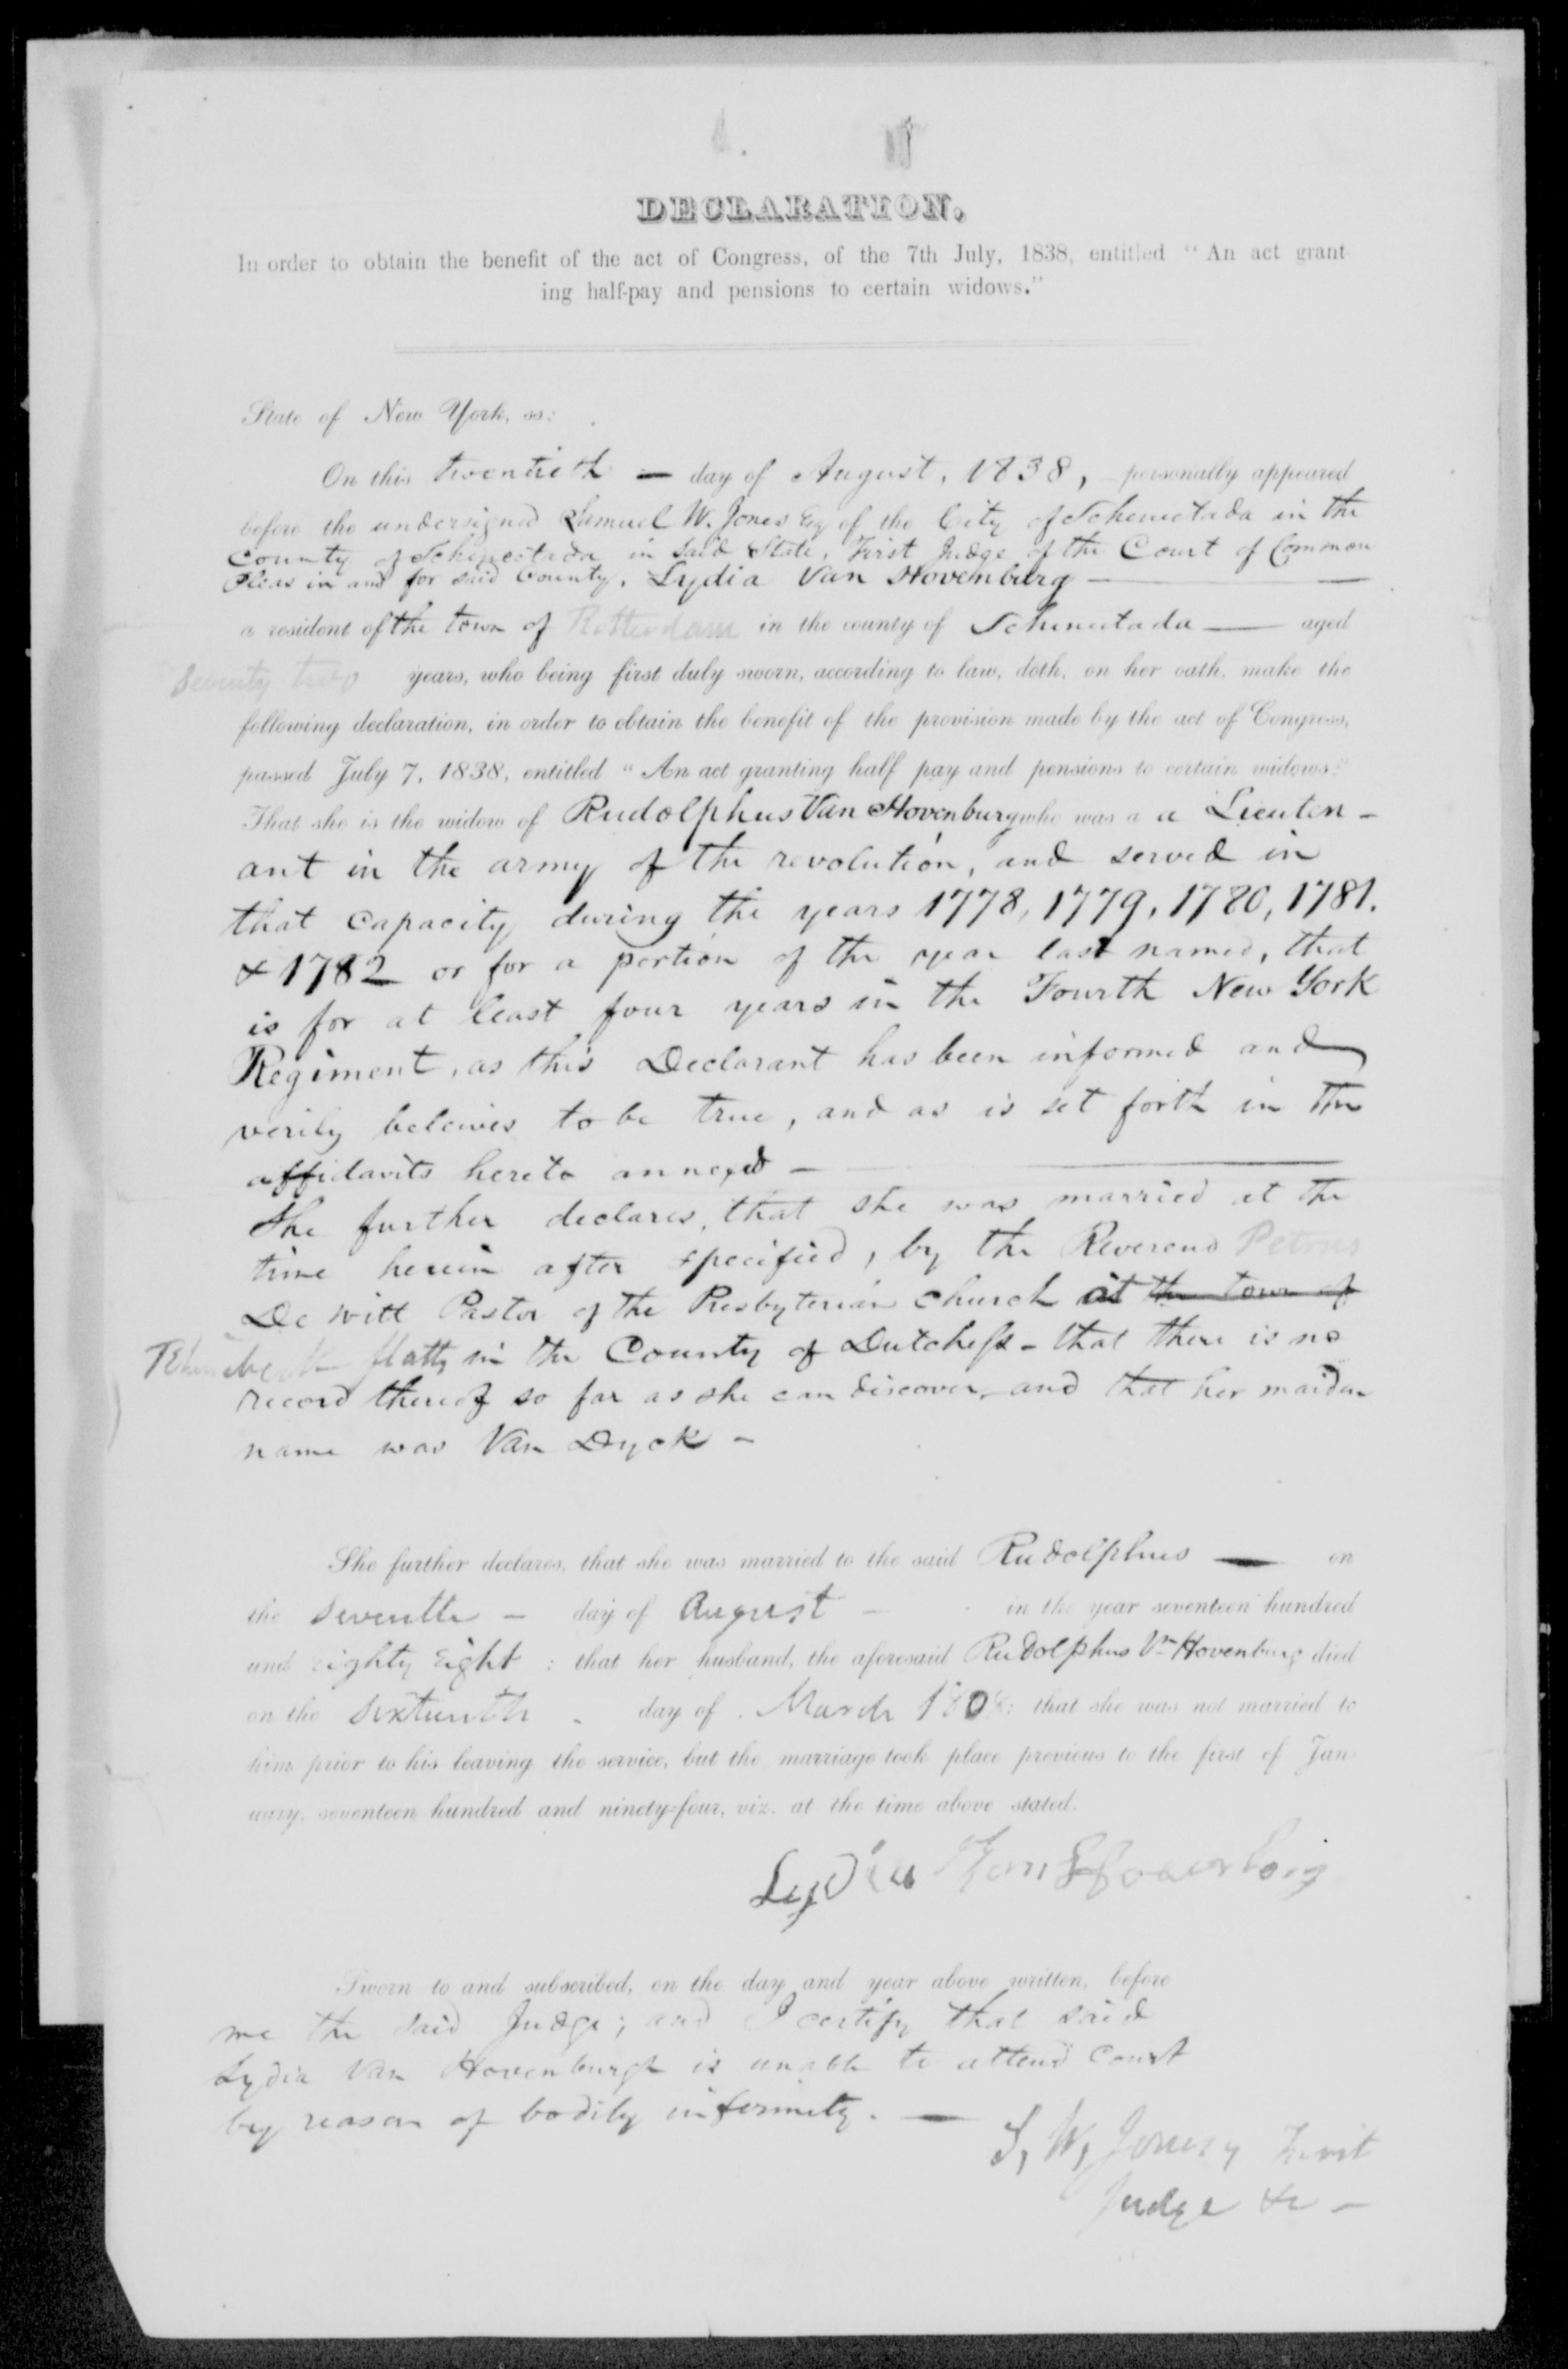DECLARATION.
In order to obtain the benefit of the act of Congress, of the 7th July, 1838, entitled ""An act granting half-pay and pensions to certain widows."
--------------------------------------------------
State of New York ss:
On this twentieth day of August, 1838, personally appeared before the undersigned Samuel W. Jones Esq of the City of Schenectada in the County of Schenectada in said State, First Judge of the Court of Common Pleas in and for said County, Lydia Van Hovenburg- a resident of the town of Rotterdam in the County of Schenectada, aged Seventy two years, who being first duly sworn, according to law, doth, on her oath, make the following declaration, in order to obtain the benefit of the provision made by the act of Congress, passed July 7, 1838, entitled "An act granting half pay and pensions to certain widows." That she is the widow of Rudolphus Van Hovenburgh who was a Lieutenant in the army of the revolution, and served in that capacity during the year 1778, 1779, 1780, 1781 & 1782 or for a portion of the year last named, that is for at least four years in the Fourth New York Regiment, as this Declarant has been informed and verily believes to be true, and as is set forth in the affidavits hereto annexed. She further declares that she was married at the time herein after specified, by the Reverend Petrus De Witt Pastor of the Presbyterian Church at the town of Rhinebeck [slatty?] in the County of Dutchess - that there is no record thereof so far as she can discover, and that her maiden name was Van Duck -
She further declares that she was married to the said Rudolphus-- on the seventh day of August in the year seventeen hundred and eighty eight: that her husband, the aforesaid Rudolphus Von Hovenburg died on the Sixteenth
day of March 1808 that she was not married to him prior to his leaving the service, but the marriage took place previous to the first of January, seventeen hundred and ninety-four, viz. at the time above stated.
Lydia Van Hovenburg [signature]
Sworn to and subscribed, on the day and year above written, before me the said Judge, and I certify that said Lydia Van Hovenburgh is unable to attend Court
by reason of bodily infirmity. L.W. Jones First
Judge &c.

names: Peter De Witt, Rudolphus Vn Hovenburg, Lydia Van Hovenberg, Rudolphus, Lydia Van Hovenburg, Lydia Van Hovenburgh, Van Dyck, S W Jones, Samuel W Jones, Rudolphus Van Hovenburg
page: 4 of 38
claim: widow's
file: W. 23324, Rudolphus Van Hoevenbergh, New York